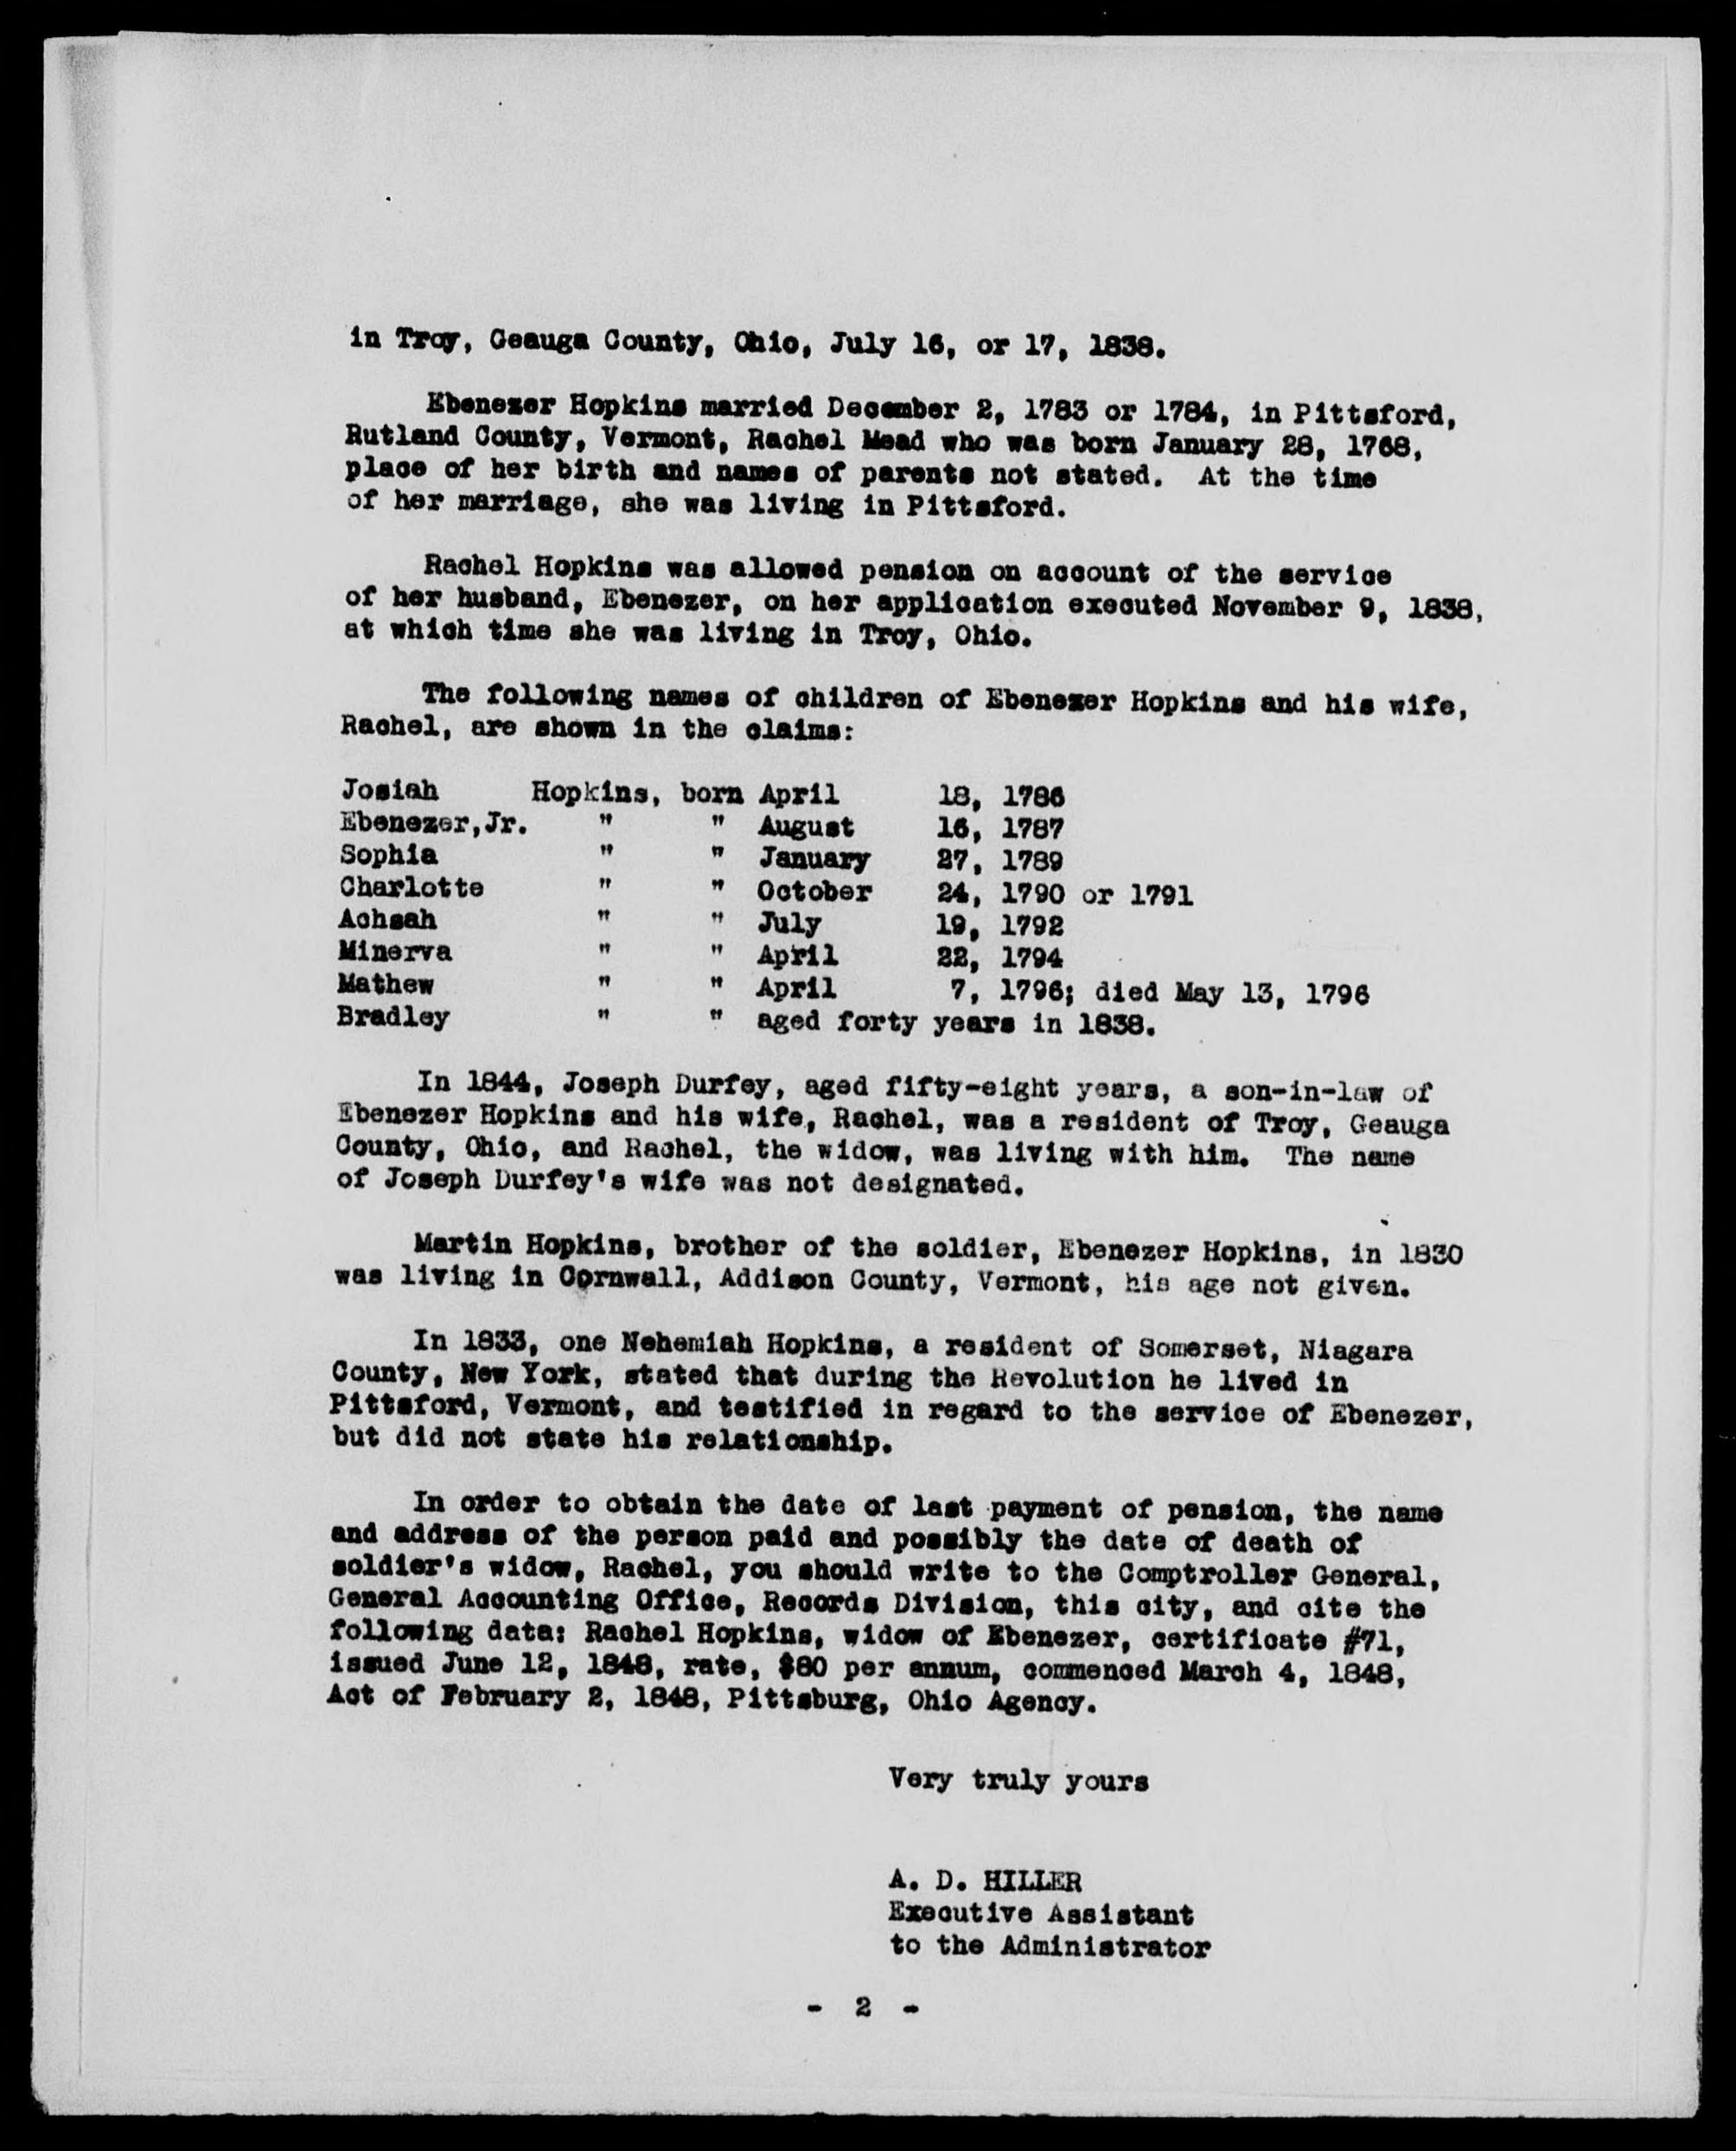in Troy, Geauga County, Ohio, July 16, or 17, 1838.

Ebenezer Hopkins married December 2, 1783 or 1784, in Pittsford,
Rutland County, Vermont, Rachel Mead who was born January 28, 1768,
place of her birth and names of parents not stated. At the time
of her marriage, she was living in Pittsford.

Rachel Hopkins was allowed pension on account of the service
of her husband, Ebenezer, on her application executed November 9, 1838,
at which time she was living in Troy, Ohio.


The following names of children of Ebenezer Hopkins and his wife,
Rachel, are shown in the claims:

Josiah  Hopkins Born April 18, 1786
Ebenezer, Jr. " " August 16, 1787
Sophia  "   " January 27, 1789
Charlotte "  "  October 24, 1790 or 1791
Achsah  "  "  July 19, 1792
Minerva  "  " April 22, 1794
Mathew  "  " April 7, 1796; died May 13, 1796
Bradley  "  "  aged forty years in 1836.

In 1844, Joseph Durfey, aged fifty-eight years, a son-in-law of
Ebenezer Hopkins and his wife, Rachel, was a resident of Troy, Geauga
County, Ohio, and Rachel, the widow, was living with him. The name of
Joseph Durfey's wife was not designated.

Martin Hopkins, brother of the soldier, Ebenezer Hopkins, in 1830
was living in Cornwall, Addison County, Vermont, his age not given.

In 1833, one Nehemiah Hopkins, a resident of Somerset, Niagara
County, New York, stated that during the Revolution he lived in
Pittsford, Vermont, and testified in regard to the service of Ebenezer,
but did not state his relationship.

In order to obtain the date of last payment of pension, the name
and address of the person paid and possibly the date of death of
soldier's widow, Rachel, you should write to the Comptroller General,
General Accounting Office, Records Division, this city, and cite the
following data: Rachel Hopkins, widow of Ebenezer, certificate #71,
issued June 12, 1848, rate, $80 per annum, commenced March 4, 1848,
Act of February 2, 1848, Pittsburg, Ohio Agency.

Very truly yours
A. D. HILLER
Executive Assistant
to the Administrator
- 2 -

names: Joseph Durfey, Rachel Hopkins, Achsah Hopkins, Minerva Hopkins, A D Hiller, Bradley Hopkins, Sophia Hopkins, Ebenezer Hopkins, Josiah Hopkins, Martin Hopkins, Nehemiah Hopkins, Mathew Hopkins, Charlotte Hopkins, Rachel Mead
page: 79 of 144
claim: rejected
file: R. 5208, Dennis Hopkins, N.C.